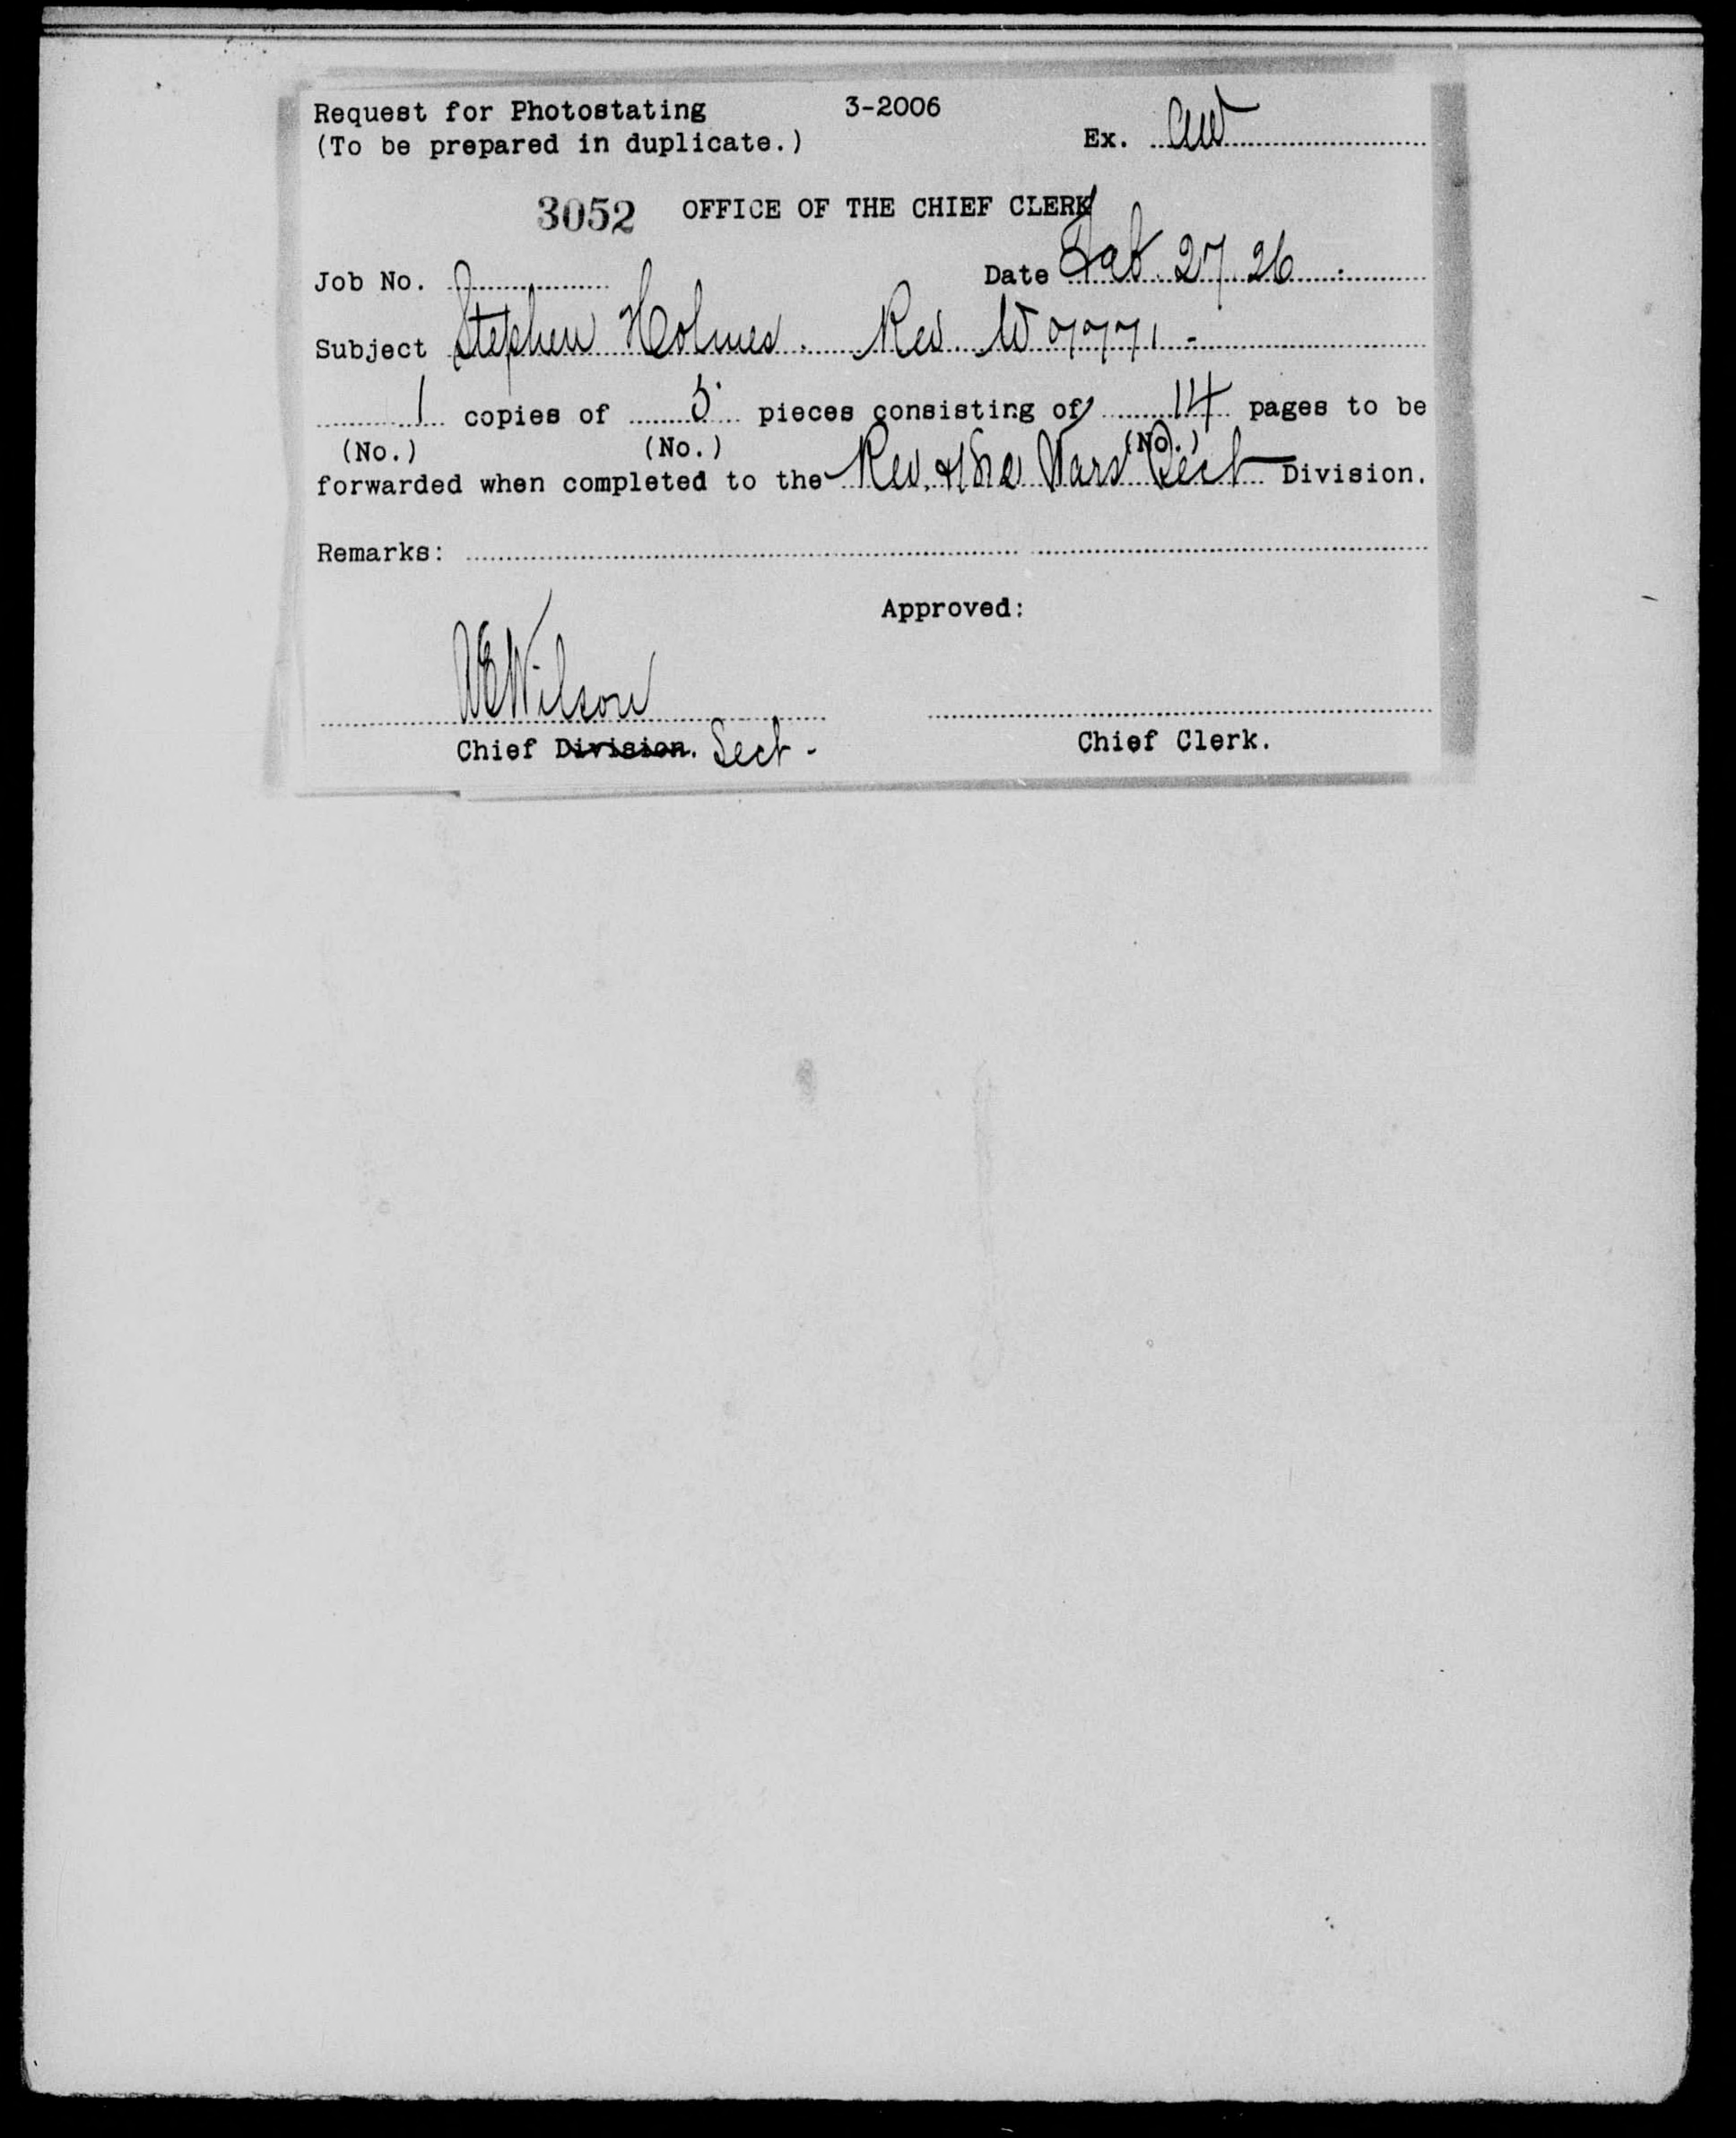Request for Photostating 3-2006
(To be prepared in duplicate.) Ex. [illegible]

3052 OFFICE OF THE CHIEF CLERK

Job No. [blank]

Date Feb 27 26

Subject Stephen Holmes, Rev W 7771
(No.) 1 copies of (No.) 5 pieces consisting of (No.) 14 pages to be forwarded when completed to the Rev + 1812 Wars [illegible] Division.

Remarks: [blank]

 Approved:

AE Wilson
Chief [crossed out "Division"] Sect.

[blank]
Chief Clerk.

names: A E Wilson, Stephen Holmes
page: 64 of 72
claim: widow's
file: W. 7771, Stephen Holmes, Vt.